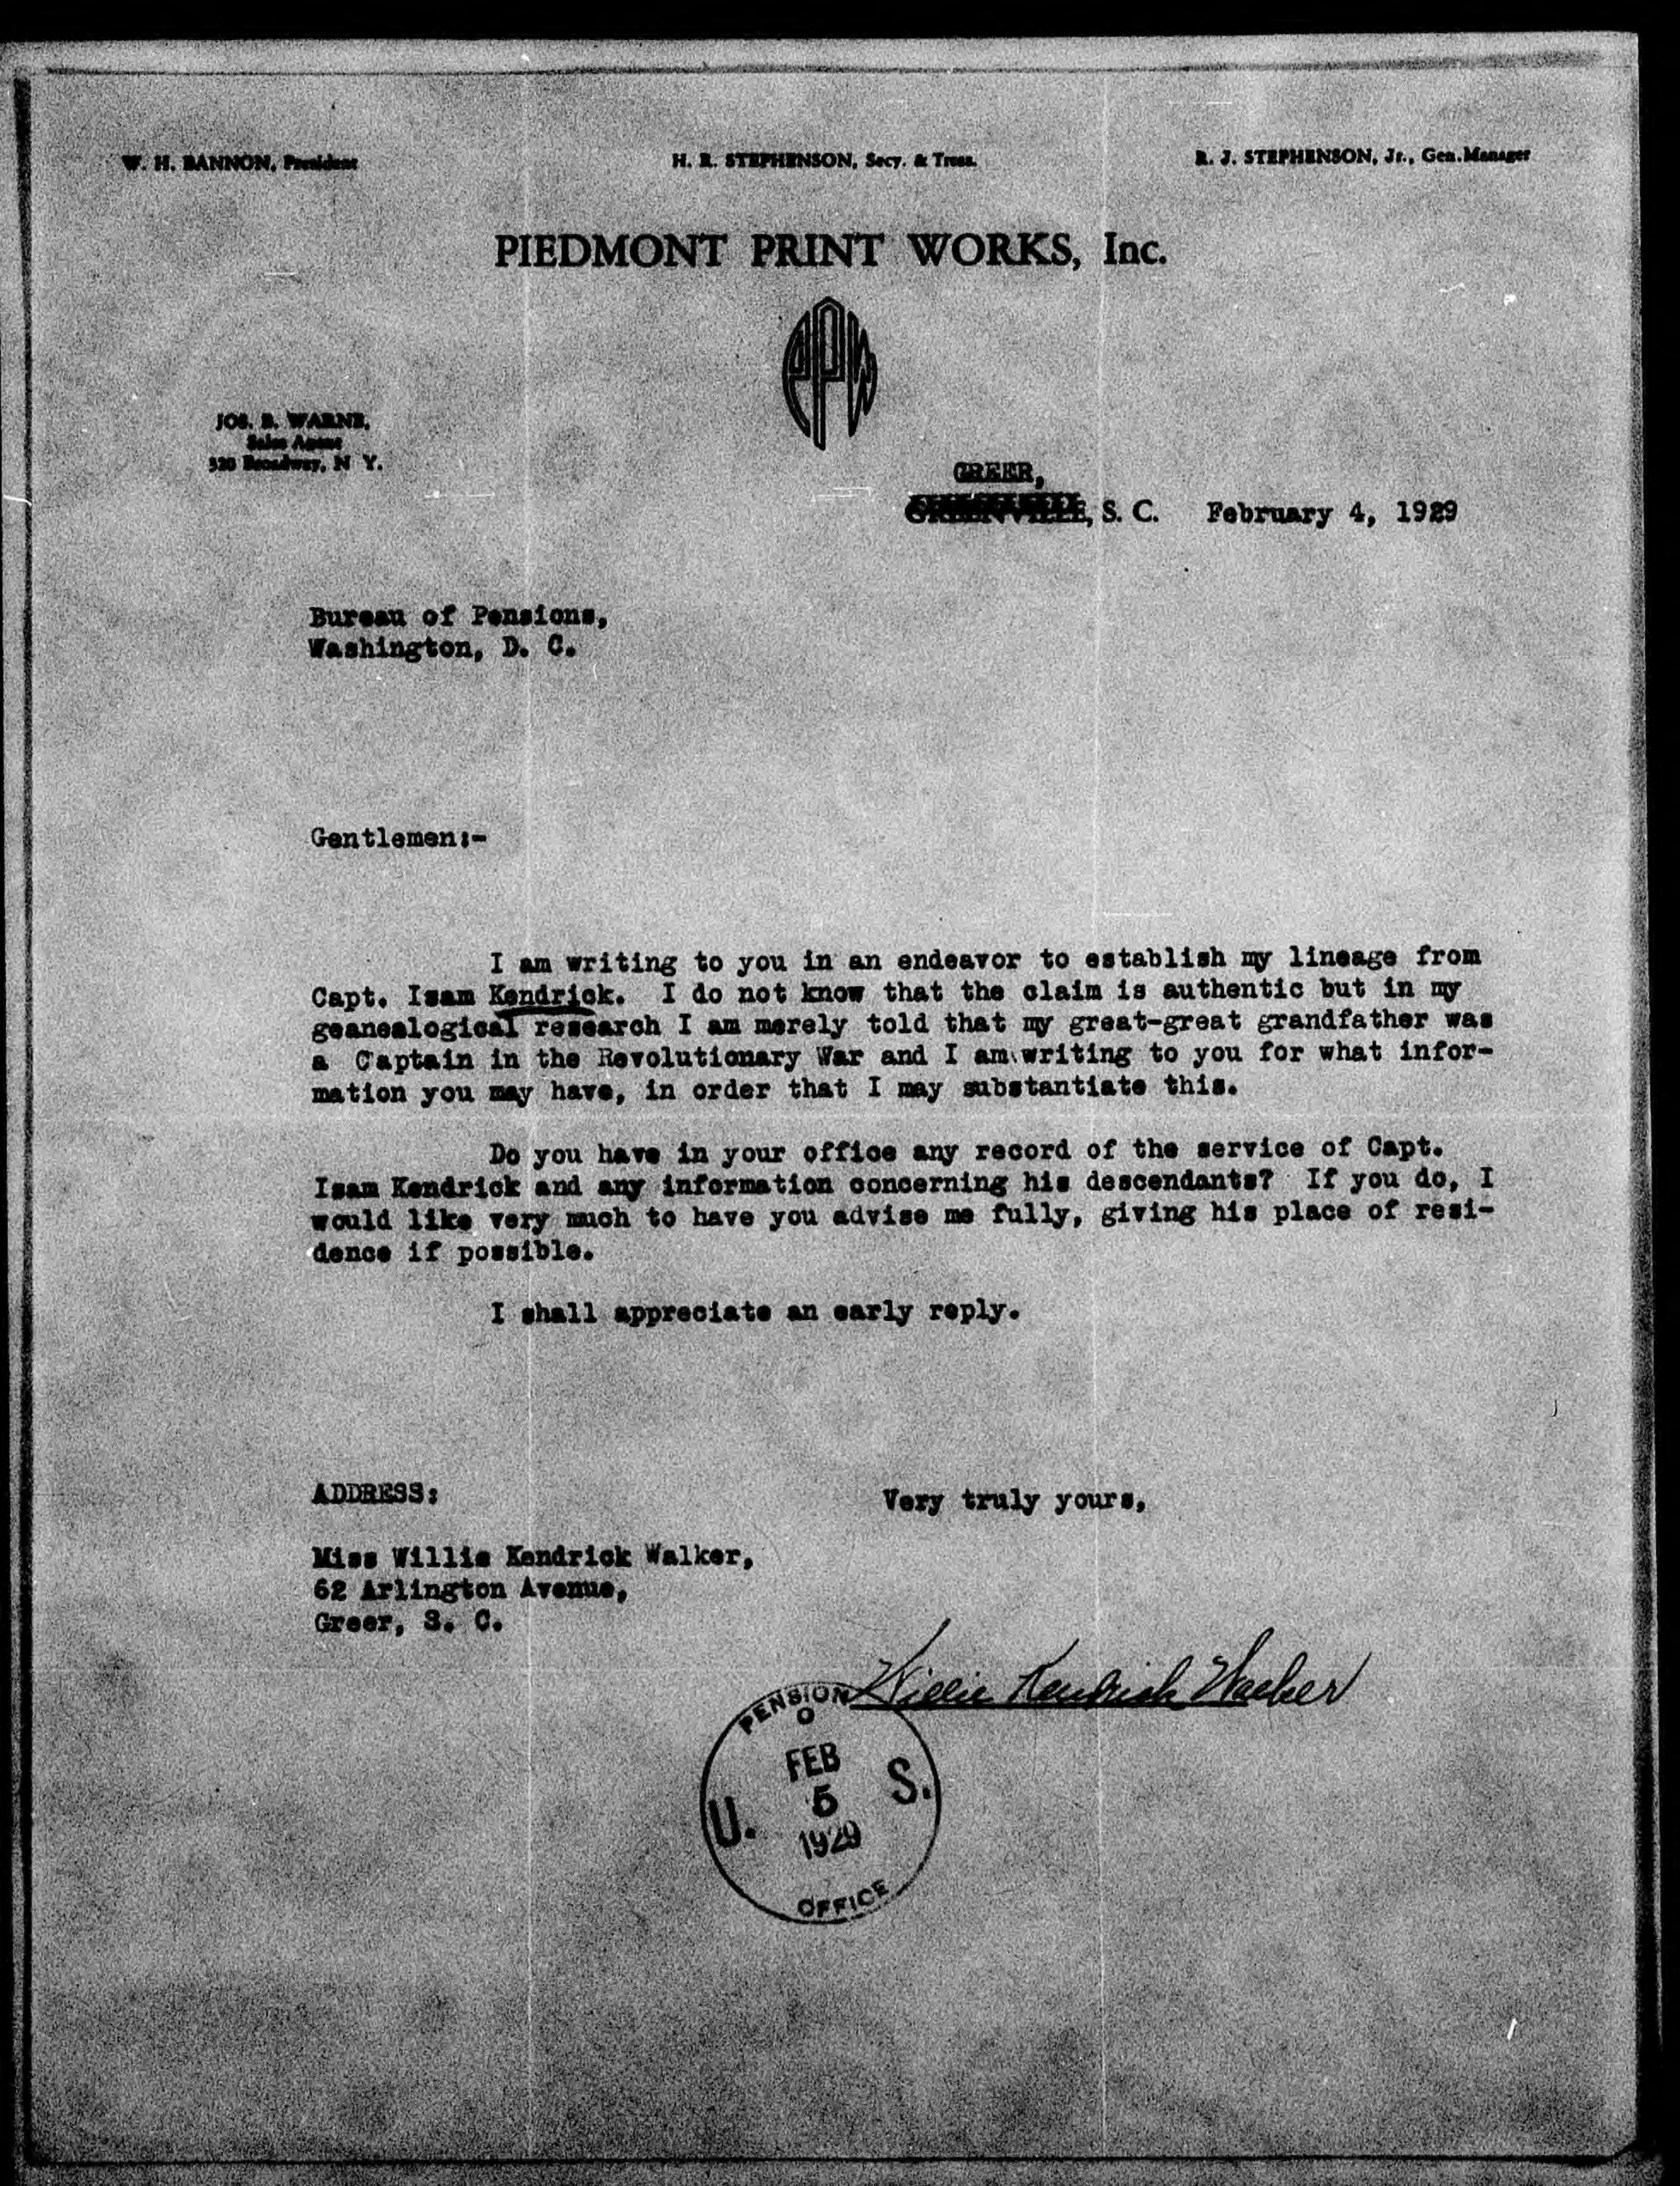PIEDMONT PRINT WORKS, Inc.
[logo - PPW]

W. H. BANNON, President   H. R. STEPHENSON, Secy. & Treas.   R. J. STEPHENSON, Jr., Gen. Manager

JOS. B. WARNE,
Sales Agent
32[6?] Broadway, N. Y.

GREER, S. C. 
February 4, 1929

Bureau of Pensions,
Washington, D. C.

Gentlemen:-

I am writing to you in an endeavor to establish my lineage from 
Capt. Isam Kendrick.  I do not know that the claim is authentic but in my
geanealogical research I am merely told that my great-great grandfather was 
a Captain in the Revolutionary War and I am writing to you for what information 
you may have, in order that I may substantiate this.

Do you have in your office any record of the service of Capt.
Isam Kendrick and any information concerning his descendants?  If you do, I 
would like very much to have you advise me fully, giving his place of residence
if possible.

I shall appreciate an early reply.

Very truly yours,
Willie Kendrick Walker

ADDRESS:
Miss Willie Kendrick Walker, 
62 Arlington Avenue, 
Greer, S. C.

[date stamp]
U. S. 
PENSION 
OFFICE
O
FEB 5
1929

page: 22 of 29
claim: rejected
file: R. 5862, for Isham Kendrick, North Carolina